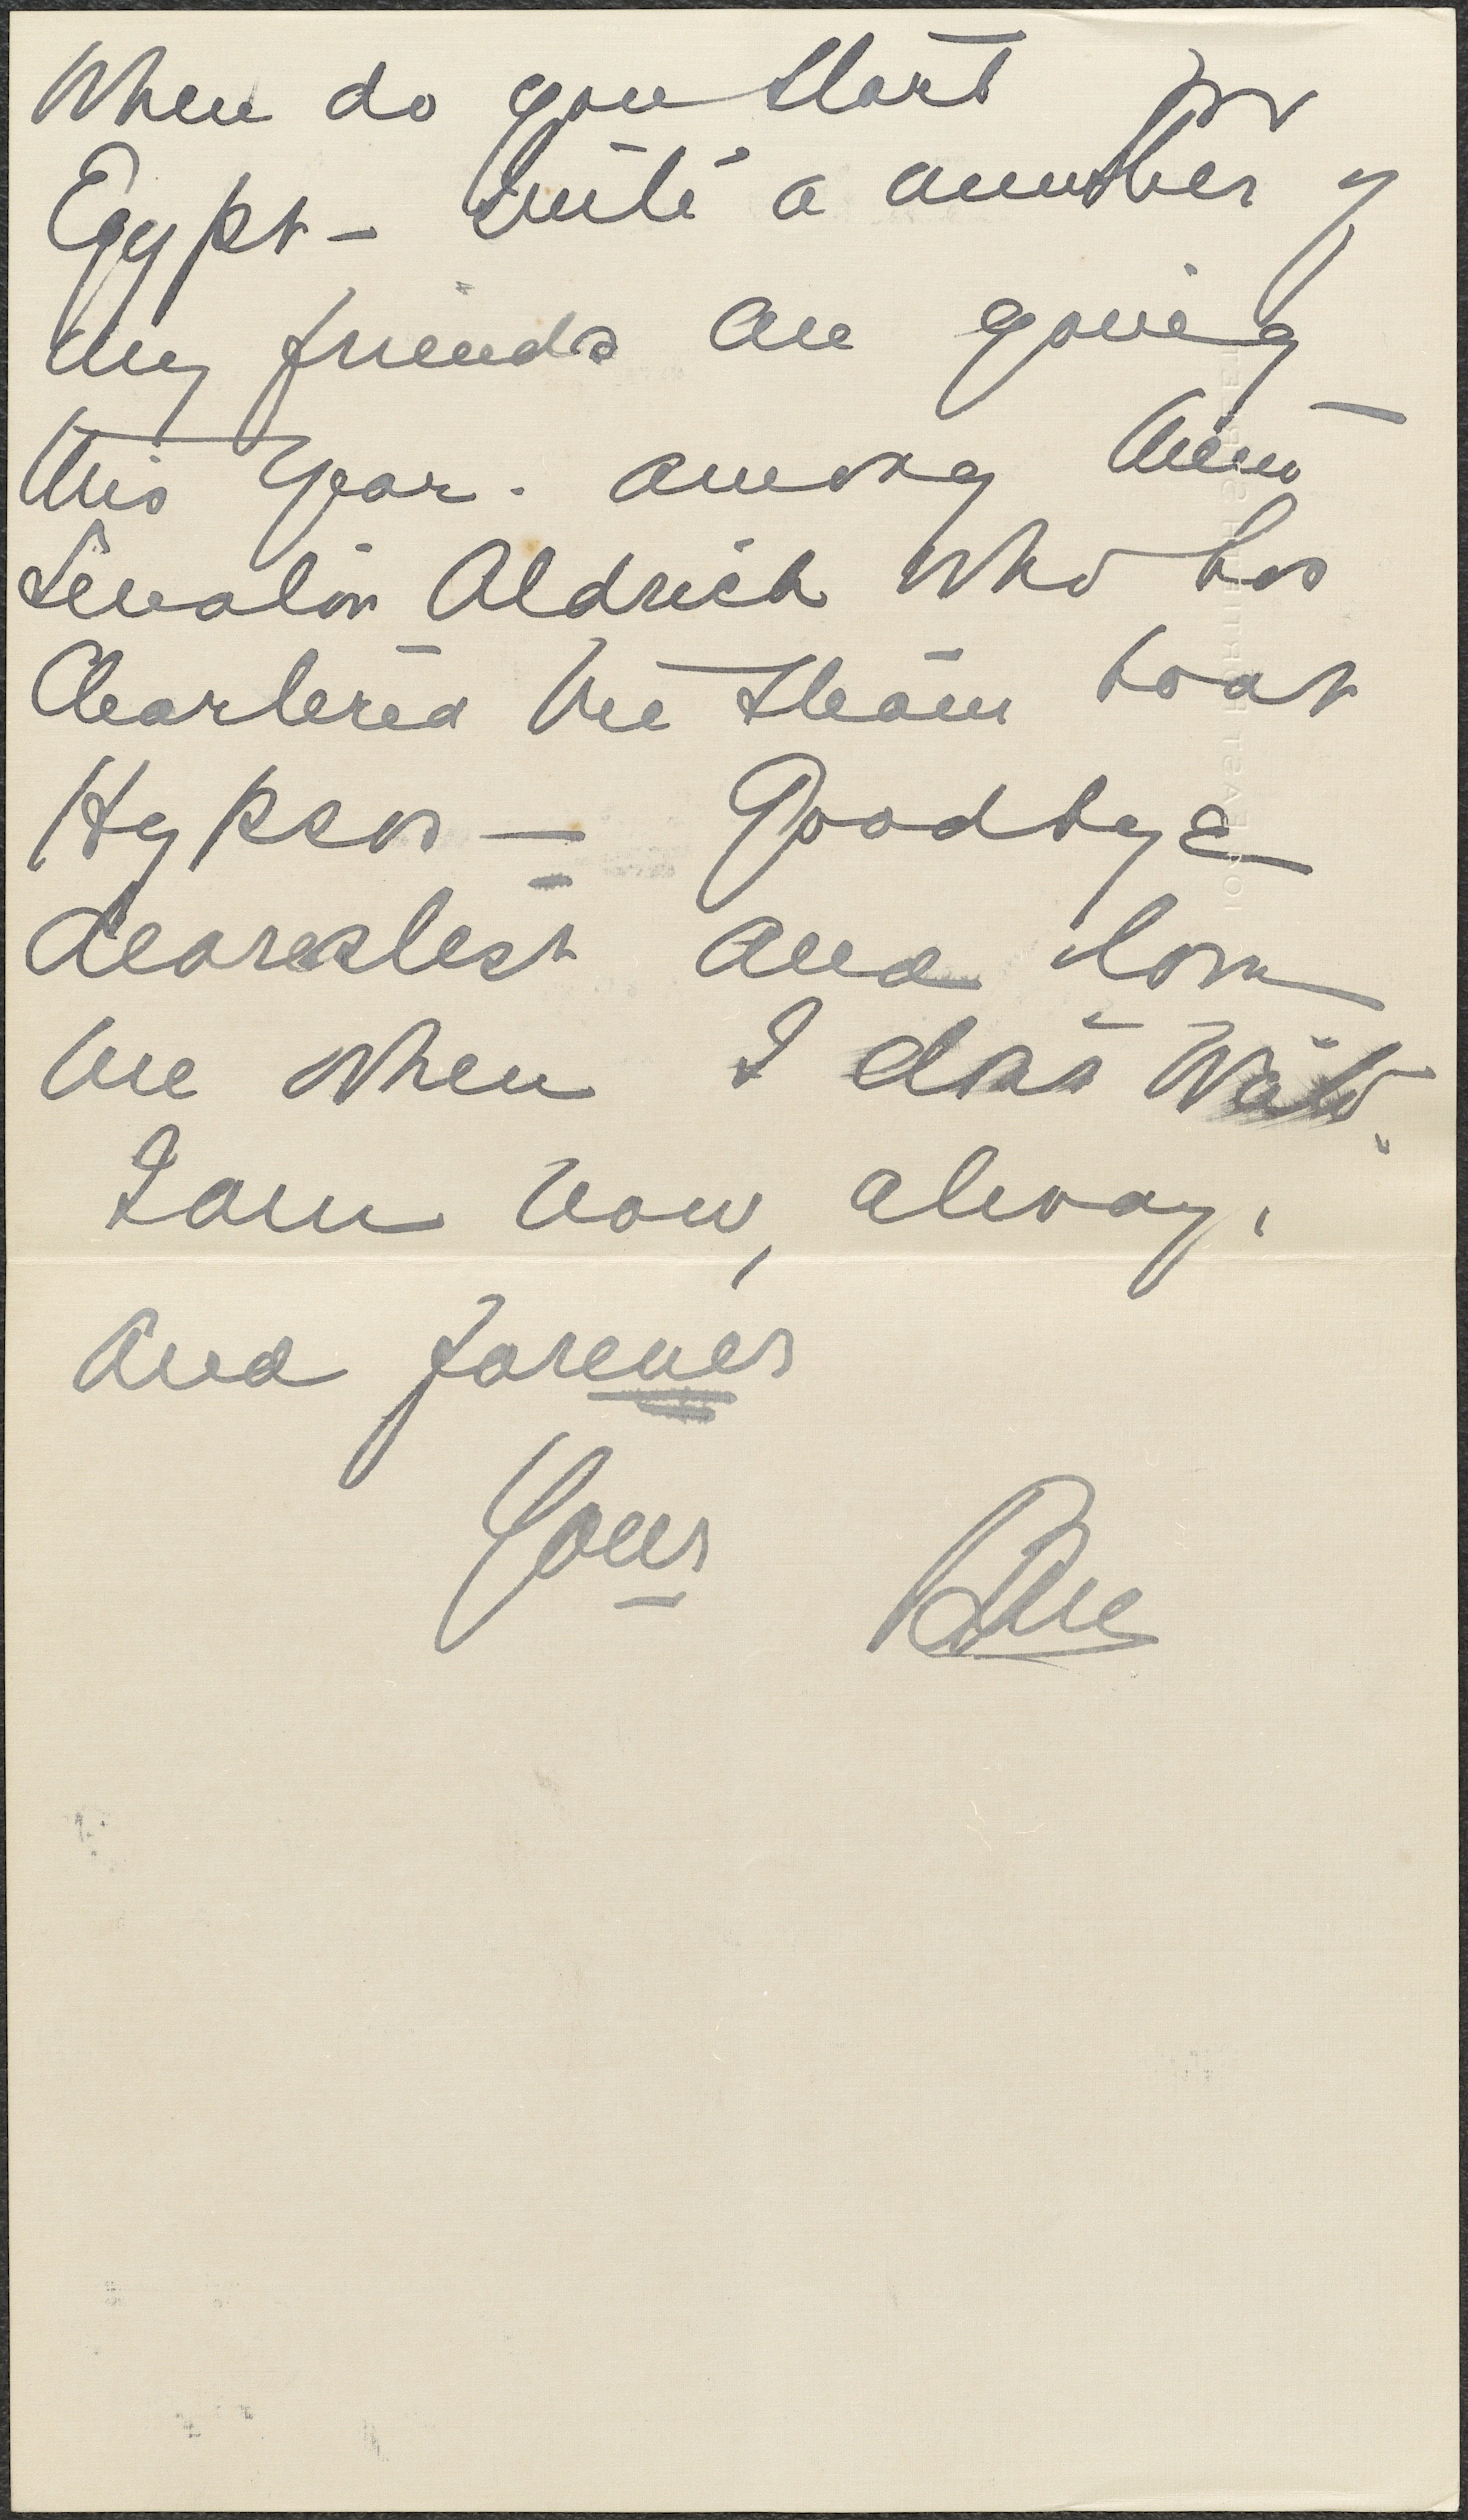When do you start for Egypt – quite a number of my friends are going this year – among them Senator Aldrich who has chartered the steam boat Hyksos – Goodbye dearestest and love me when I don’t write.
I am now, always, and [double underlined: forever]
Your Belle